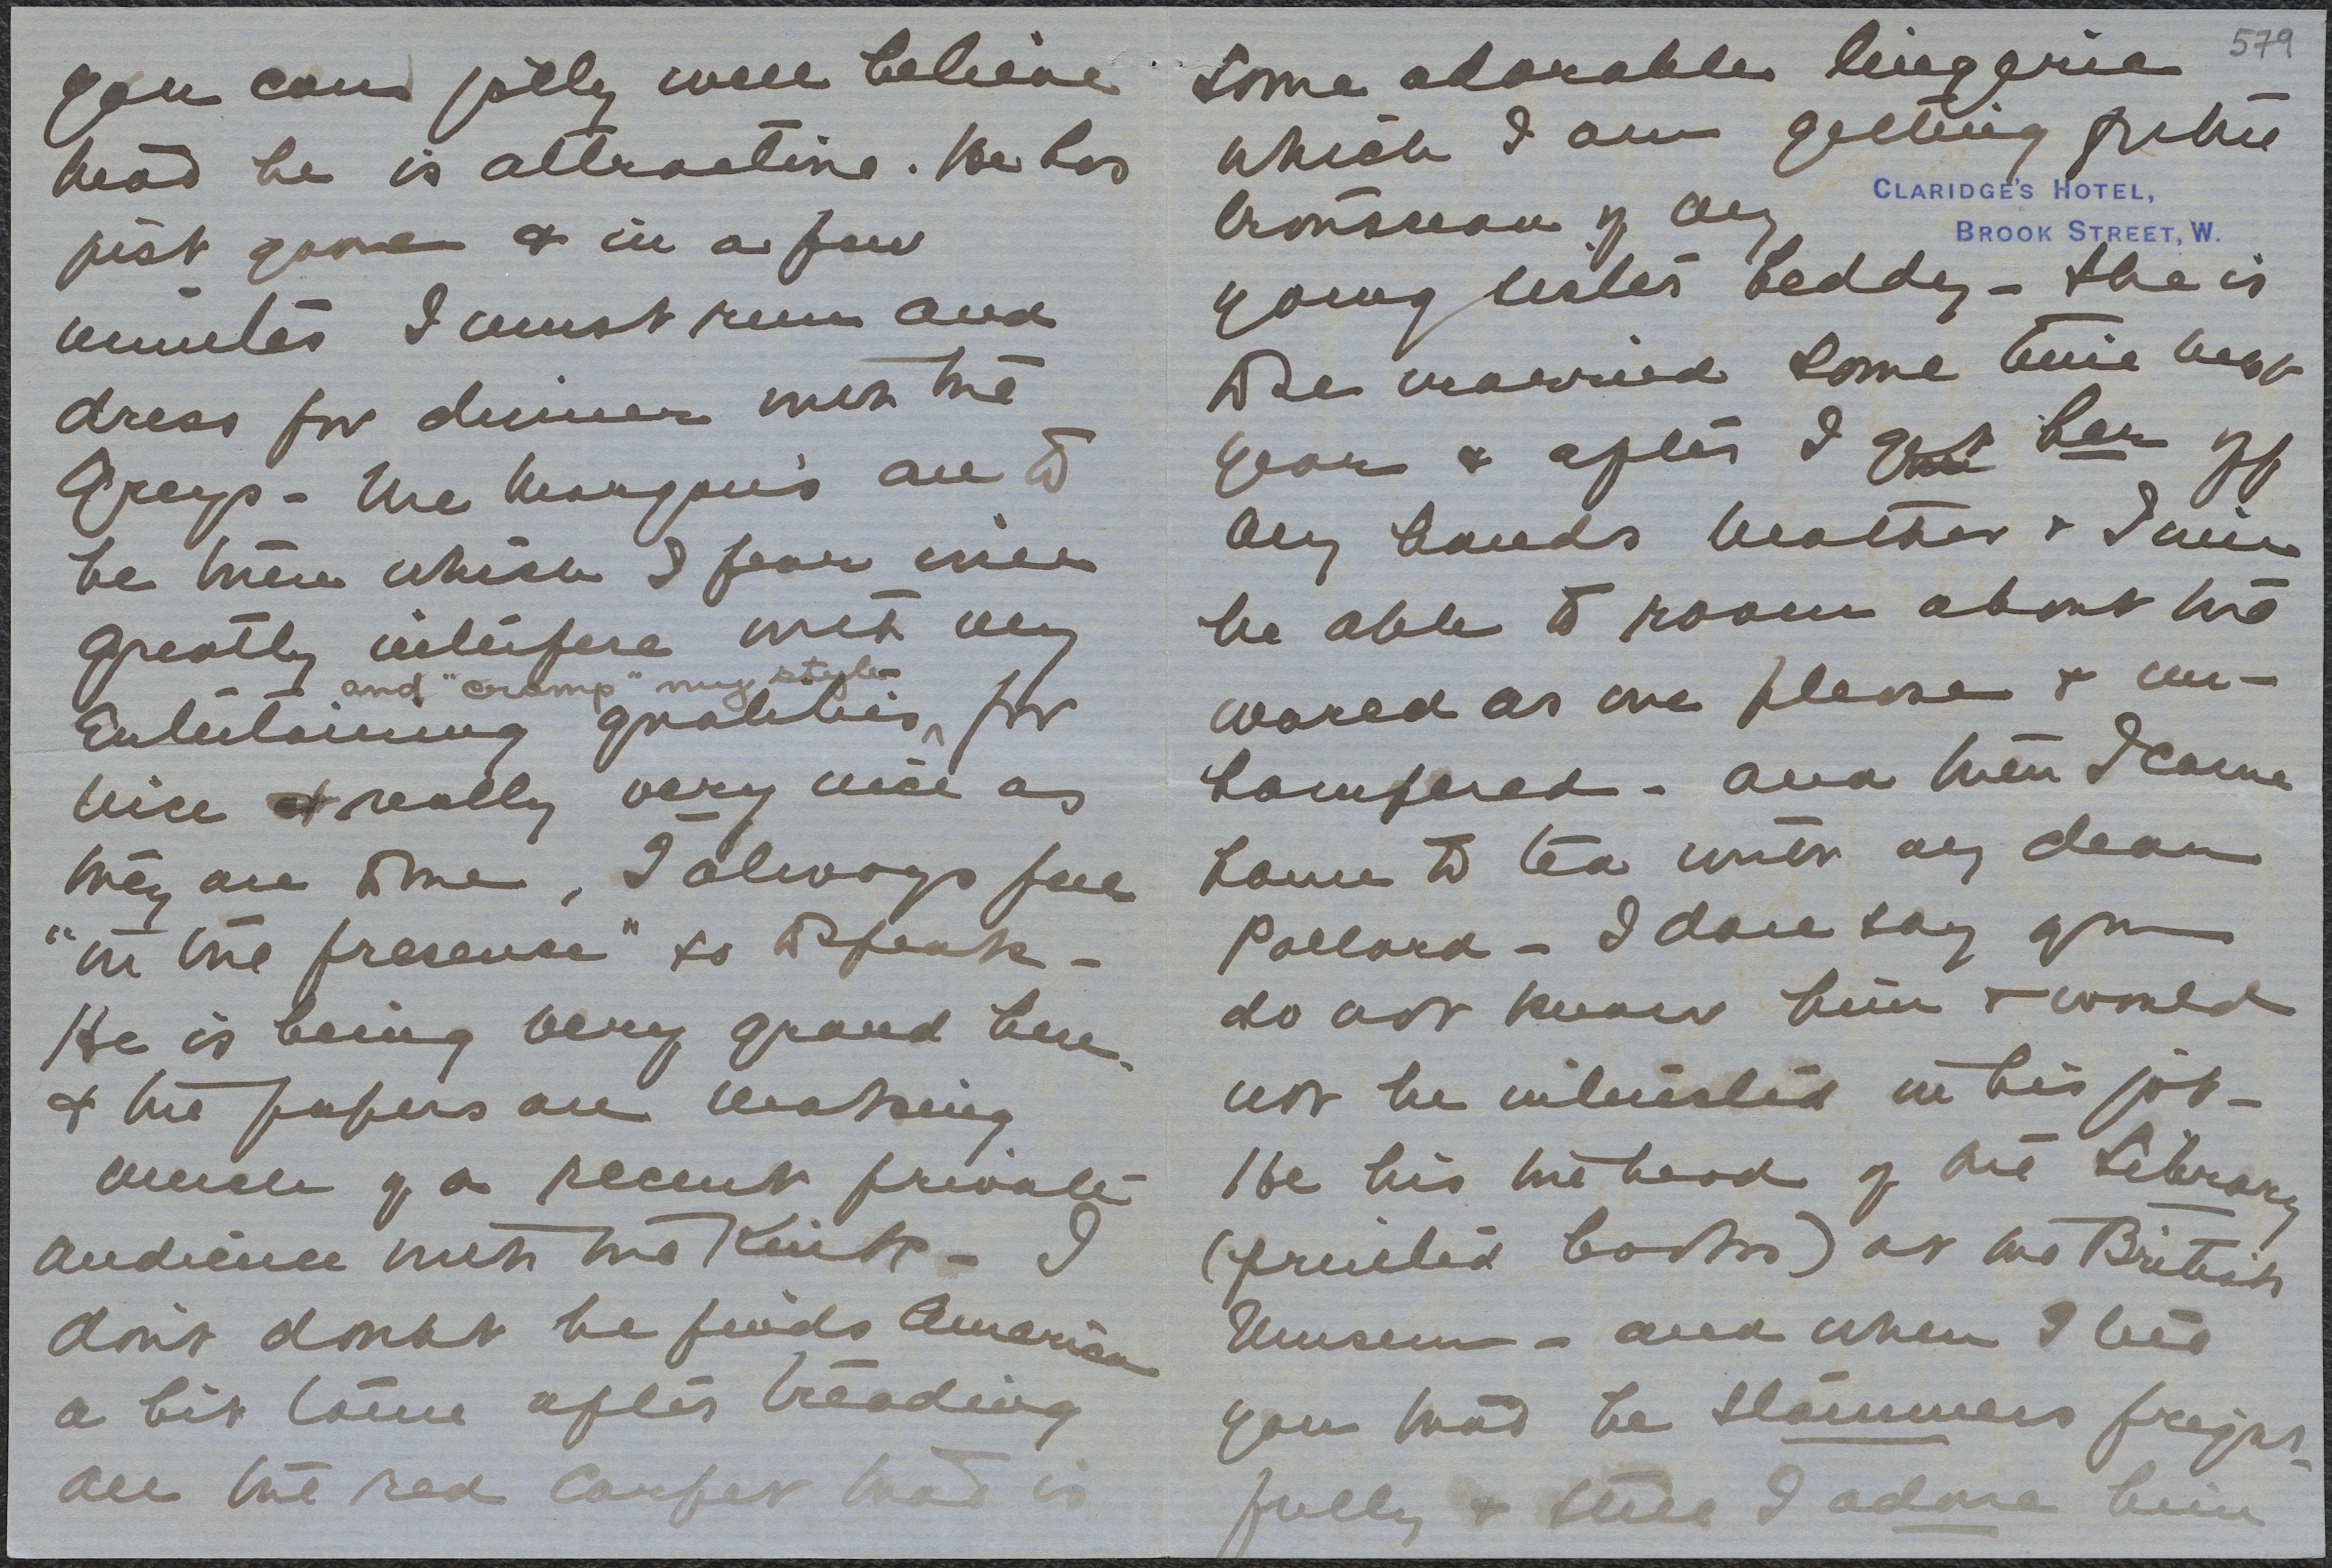some adorable lingerie which I am getting for the trousseau of my young sister Teddy – She is to be married some time next year & after I get her off my hands Mother & I will be able to roam about the world as we please & unhampered – and then I came home to tea with my dear Pollard – I dare say you do not know him & would not be interested in his job – He his [sic] the head of the Library (printed books) at the British Museum – and when I tell you that he stammers frightfully & still I adore him
you can jolly well believe that he is attractive. He has just gone & in a few minutes I must run and dress for dinner with the Greys – the Morgan’s are to be there which I fear will greatly interfere with my entertaining qualities [^and “cramp” my style^] for nice & really very nice as they are to me, I always feel “in the presence” so to speak – He is being very grand here – & the papers are making much of a recent private audience with the Kirk – I don’t doubt he finds America a bit tame after treading all the red carpet that is